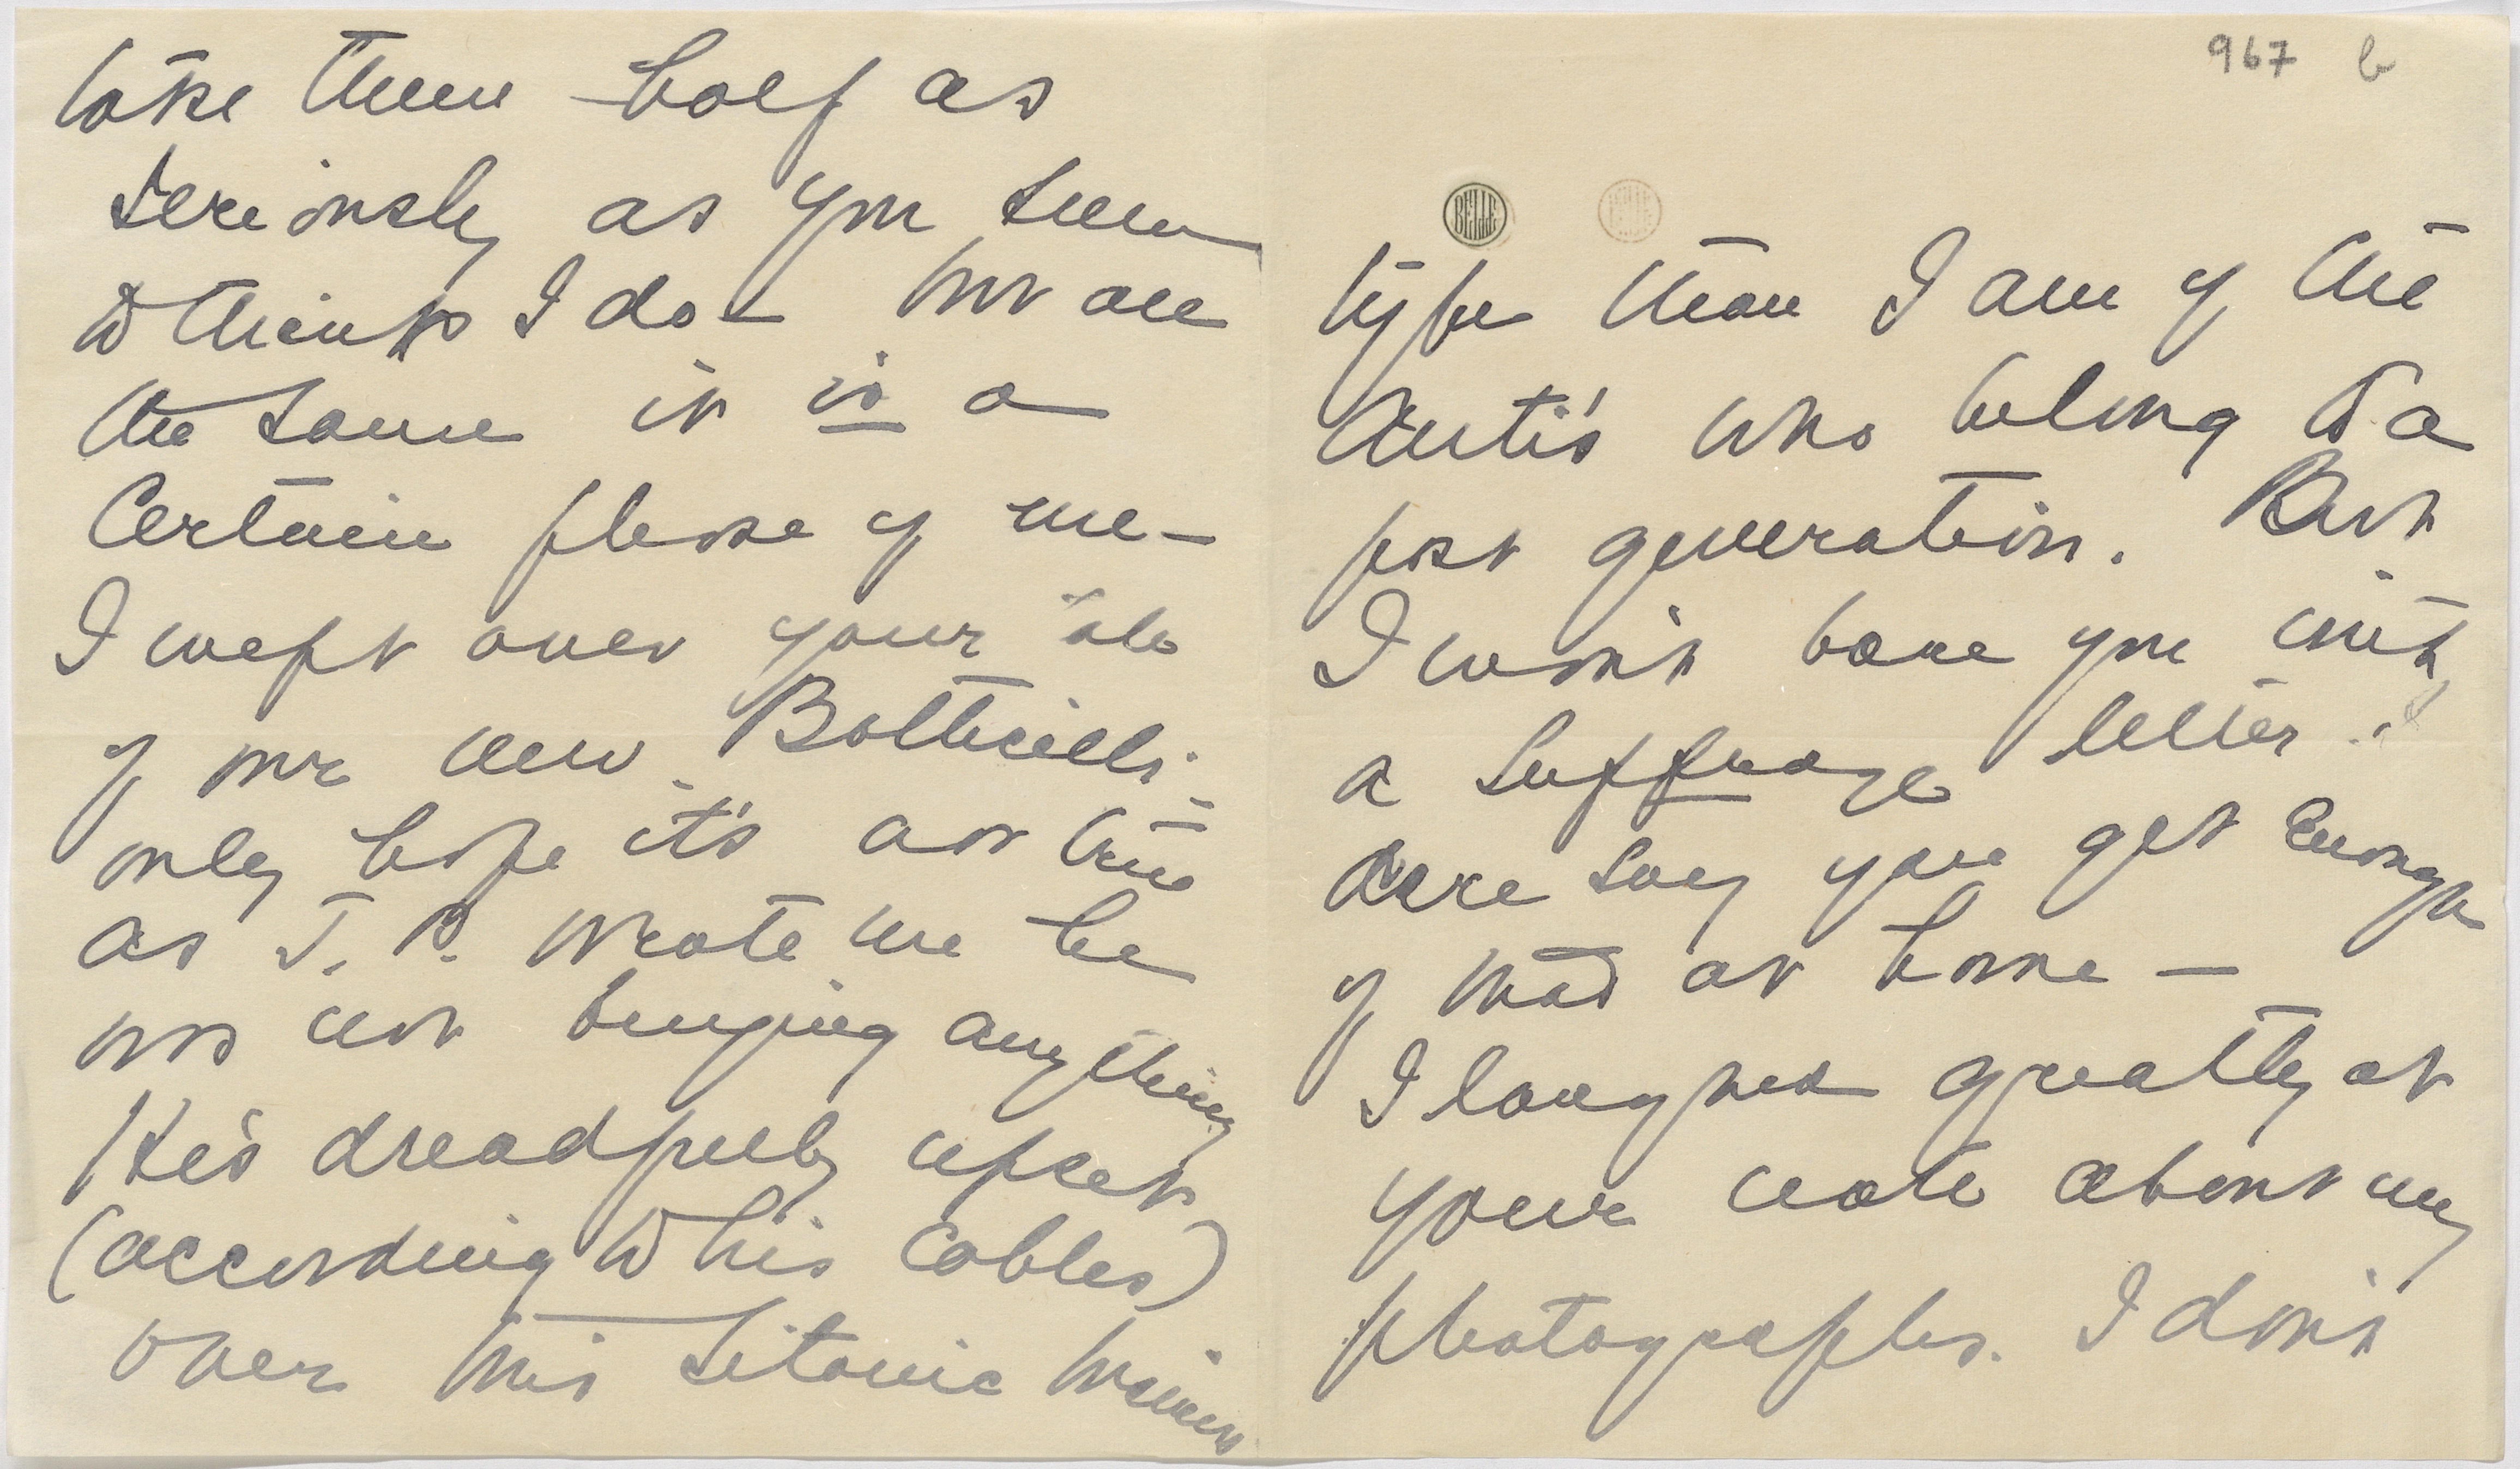type than I am of the Anti’s who belong to a past generation. But I won’t bore you with a suffrage letter. I dare say you get enough of that at home –
I laughed greatly at your note about my photographs. I don’t
take them half as seriously as you seem to think I do – but all the same it is a certain phase of me – I wept over your sale of our new Botticelli – only hope it’s not true as J. P. wrote me he was not buying anything He’s dreadfully upset (according to his cables) over this Titanic business